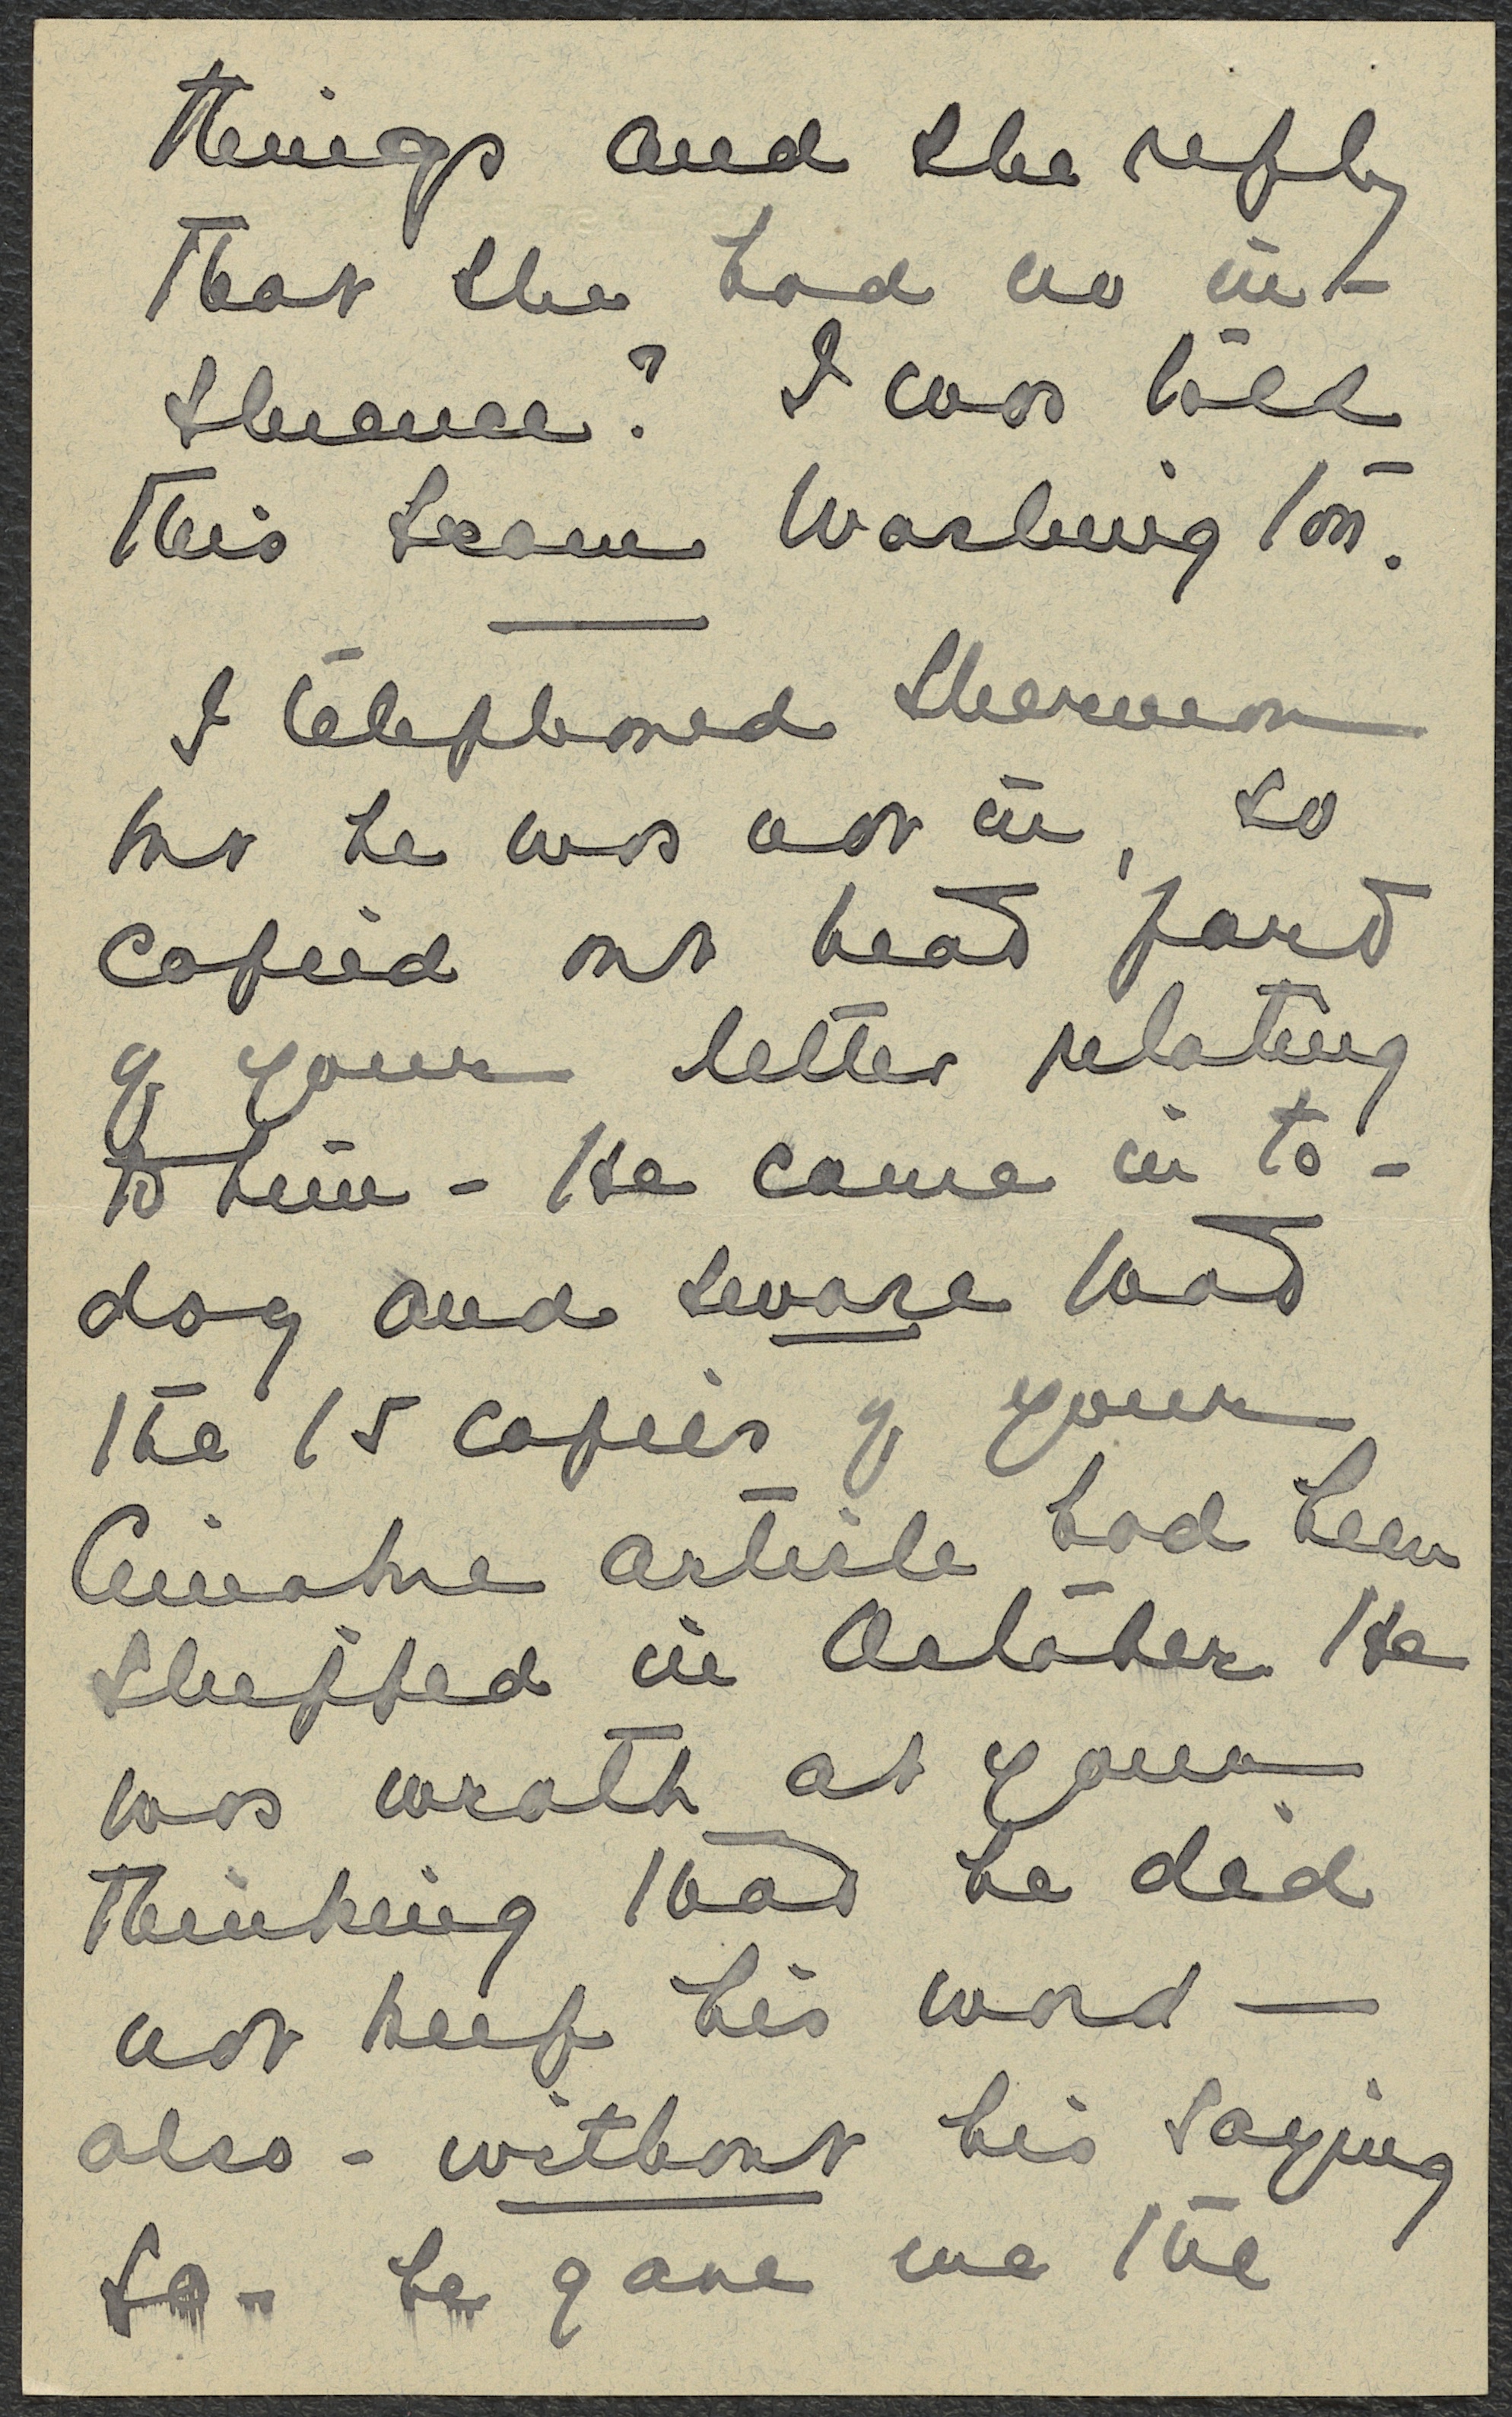things and she reply [sic] that she had no influence? I was told this from Washington.
I telephoned Sherman but he was not in, so copied out that part of your letter relating to him – He came in today and swore that the 15 copies of your Cimabue article had been shipped in October. He was wrath at your thinking that he did not keep his word – also – without his saying so – he gave me the